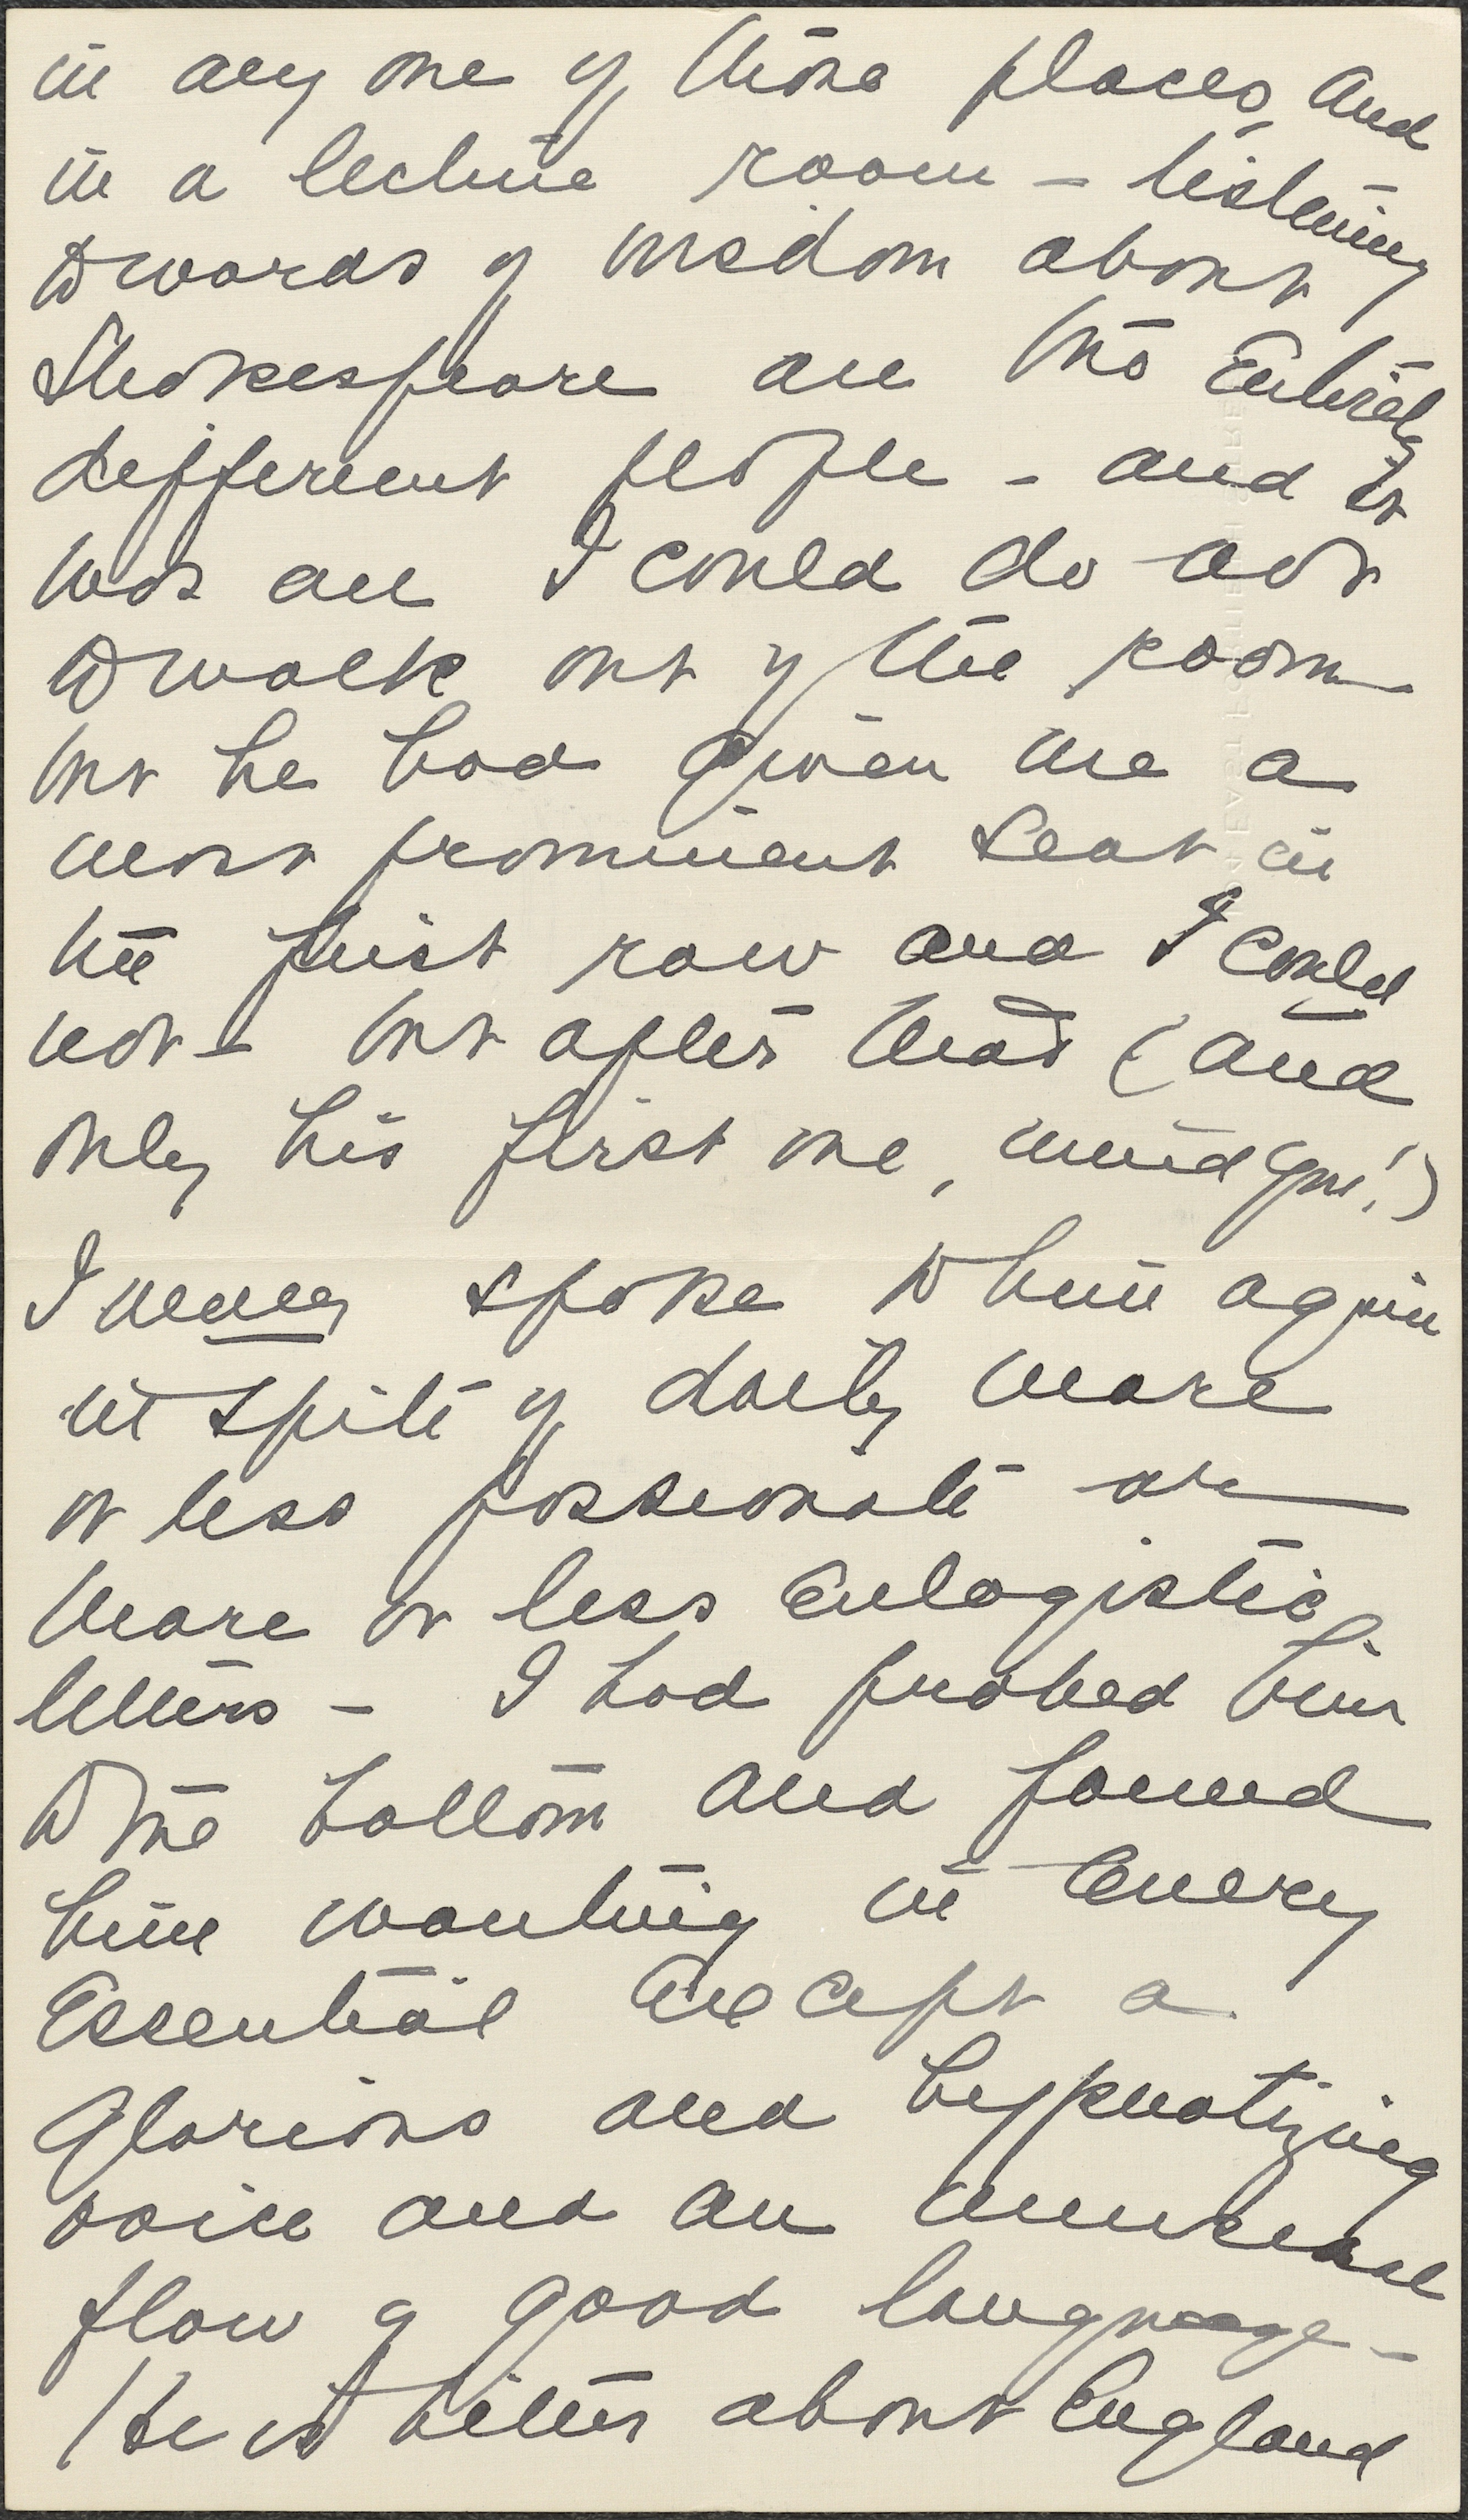in any one of those places, and in a lecture room – listening to words of wisdom about Shakespeare all the entirely different people – and it was all I could do not to walk out of the room but he had given me a most prominent seat in the first row and I could not – but after that (and only his first one, mind you!) I never spoke to him again in spite of daily more or less passionate or more or less eulogistic letters – I had probed him to the bottom and found him wanting in every essential except a glorious and hypnotizing voice and an unusual flow of good language – He is bitter about England